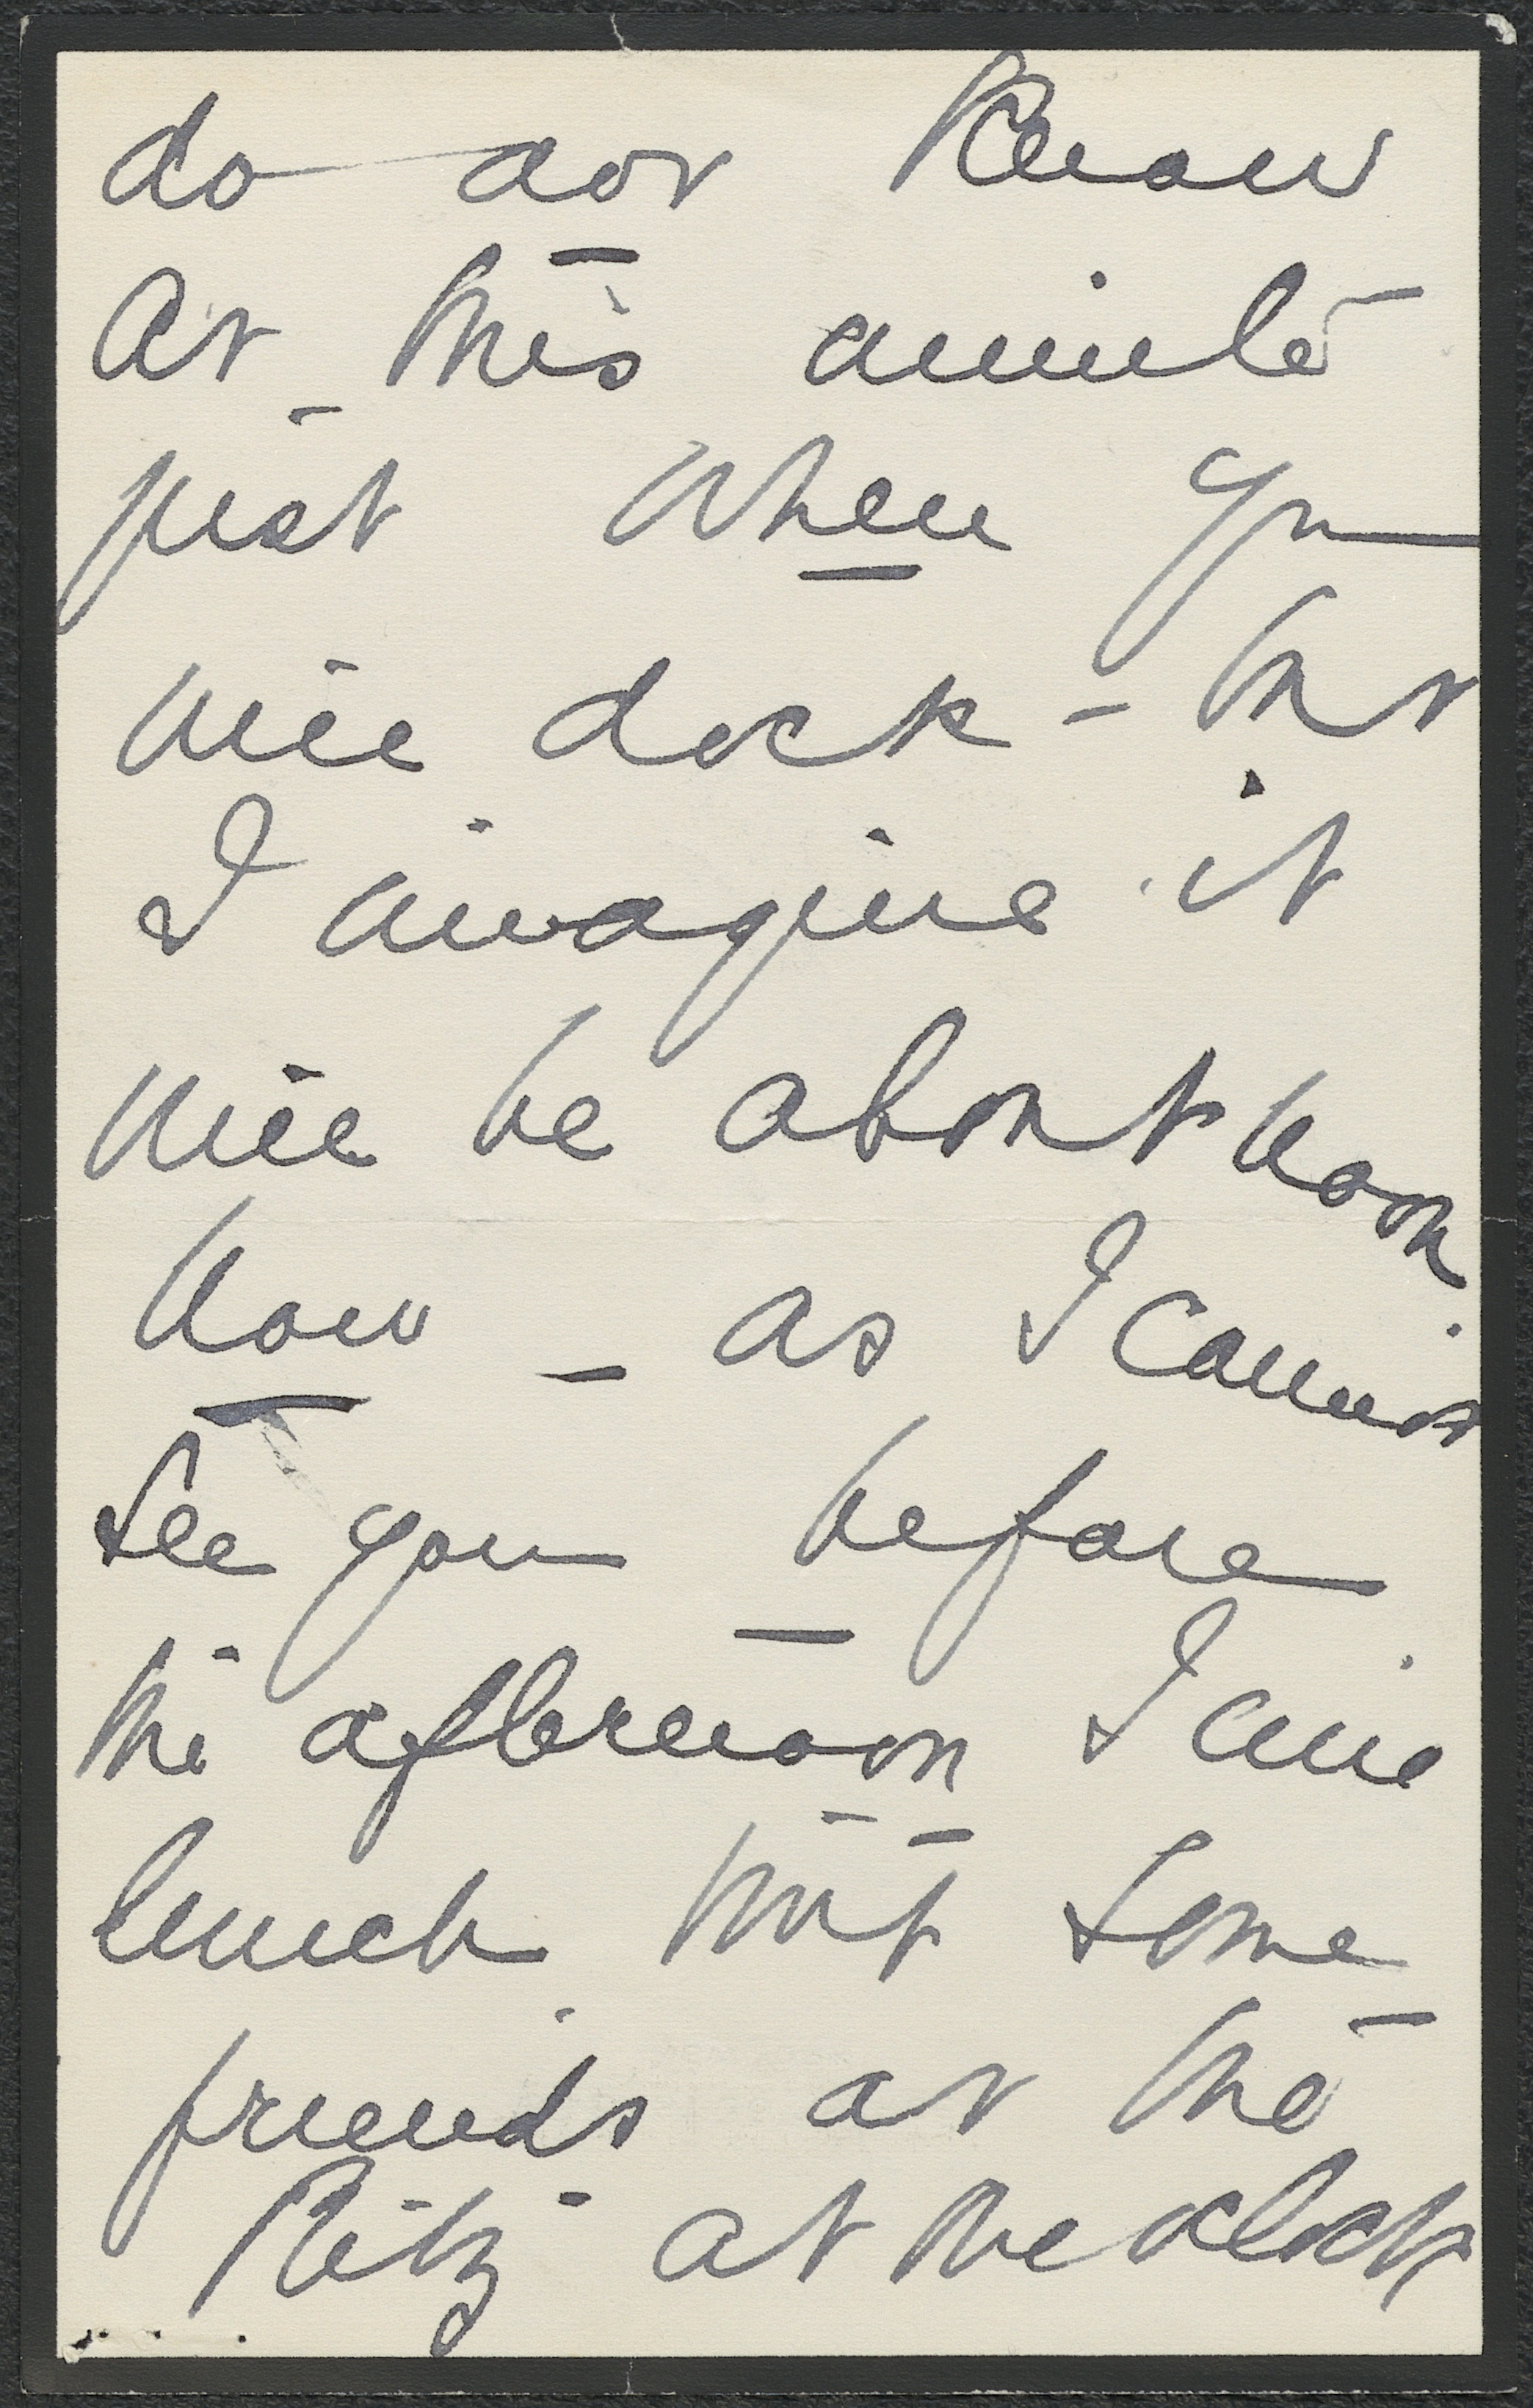do not know at this minute just when you will dock – but I imagine it will be about noon. Now – as I cannot see you before the afternoon I will lunch with some friends at the Ritz at one oclock